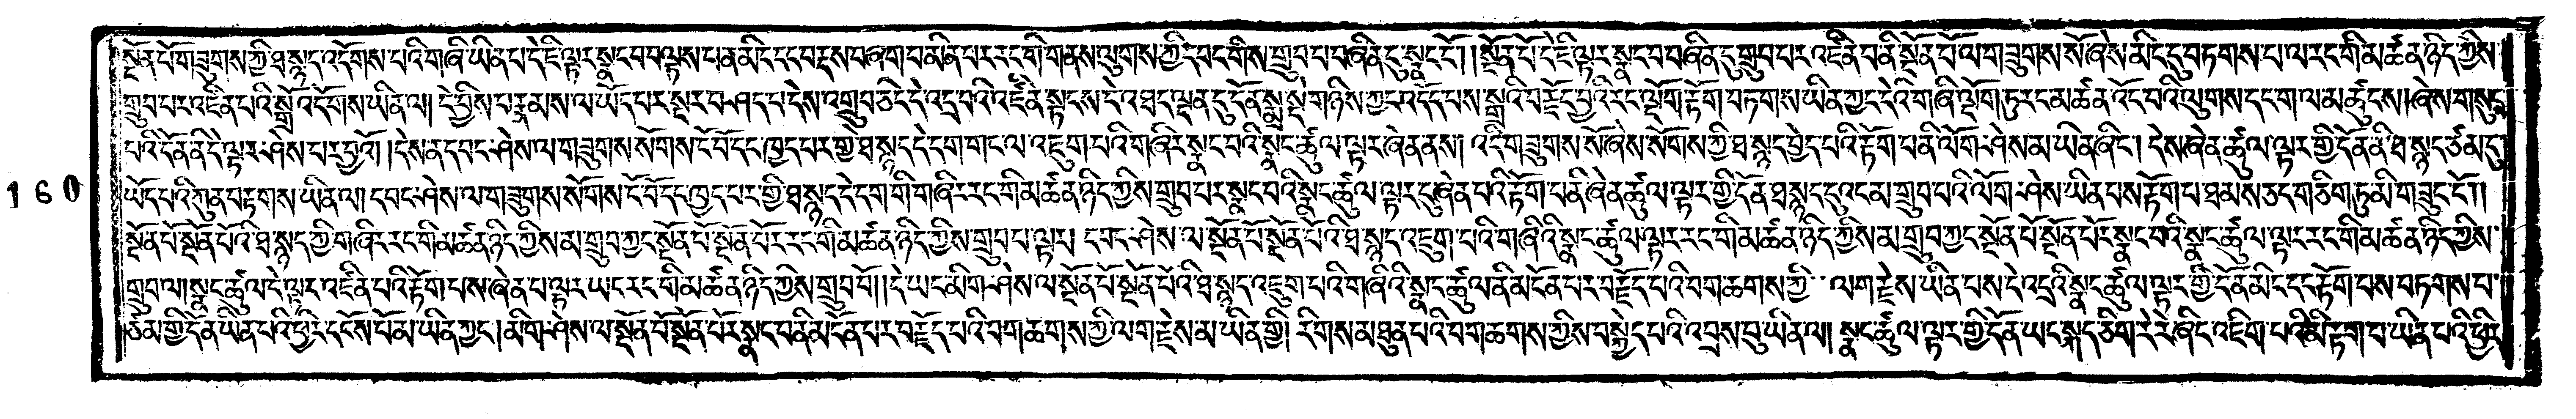སྔོན་པོ་གཟུགས་ཀྱི་ཐ་སྙད་འདོགས་པའི་གཞི་ཡིན་པ་དེ་ཇི་ལྟར་སྣང་བ་བལྟས་པ་ན་མིང་དང་བརྡས་བཞག་པ་མིན་པར་རང་གི་གནས་ལུགས་ཀྱི་དབང་གིས་གྲུབ་བ་བཞིན་དུ་སྣང་ངོ། །སྔོན་པོ་དེ་ཇི་ལྟར་སྣང་བ་བཞིན་དུ་གྲུབ་པར་འཛིན་པ་ནི་སྔོན་པོ་ལ་གཟུགས་སོ་ཞེས་མིང་དུ་བཏགས་པ་ལ་རང་གི་མཚན་ཉིད་ཀྱིས་
གྲུབ་པར་འཛིན་པའི་སྒྲོ་འདོགས་ཡིན་ལ། དེ་བྱིས་པ་རྣམས་ལ་ཡོད་པར་སྔར་བཤད་པ་དེས་འགྲུབ་ཅིང་དེ་འདྲ་བའི་འཛིན་སྟངས་དེ་འཐད་ལྡན་དུ་དོན་སྨྲ་སྡེ་གཉིས་ཀྱང་འདོད་པས་སྒྲའི་བརྗོད་བྱའི་རང་ལྡོག་རྟོག་བཏགས་ཡིན་ཀྱང་དེའི་གཞི་ལྡོག་ཏུ་རང་མཚན་འོང་བའི་ལུགས་དང་ག་ལ་མཚུངས། ཞེས་གསུངས་
པའི་དོན་ནི་དེ་ལྟར་ཤེས་པར་བྱའོ། །དེས་ན་དབང་ཤེས་ལ་གཟུགས་སོགས་ངོ་བོ་དང་ཁྱད་པར་གྱེ་ཐ་སྙད་དེ་དག་གང་ལ་འཇུག་པའི་གཞིར་སྣང་བའི་སྣང་ཚུལ་ལྟར་ཞེན་ནས། འདི་གཟུགས་སོ་ཞེས་སོགས་ཀྱི་ཐ་སྙད་བྱེད་པའི་རྟོག་པ་ནི་ལོག་ཤེས་མ་ཡིན་ཞིང་། དེས་ཞེན་ཚུལ་ལྟར་གྱི་དོན་ནི་ཐ་སྙད་ཙམ་དུ་
ཡོད་པའི་ཀུན་བརྟགས་ཡིན་ལ། དབང་ཤེས་ལ་གཟུགས་སོགས་ངོ་བོ་དང་ཁྱད་པར་གྱི་ཐ་སྙད་དེ་དག་གི་གཞིར་རང་གི་མཚན་ཉིད་ཀྱིས་གྲུབ་པར་སྣང་བའི་སྣང་ཚུལ་ལྟར་དུ་ཞེན་པའི་རྟོག་པ་ནི་ཞེན་ཚུལ་ལྟར་གྱི་དོན་ཐ་སྙད་དུའང་མ་གྲུབ་པའི་ལོག་ཤེས་ཡིན་པས་རྟོག་པ་ཐམས་ཅད་གཅིག་ཏུ་མི་གཟུང་ངོ། །
སྔོན་པོ་སྔོན་པོའི་ཐ་སྙད་ཀྱི་གཞིར་རང་གི་མཚན་ཉིད་ཀྱིས་མ་གྲུབ་ཀྱང་སྔོན་པོ་སྔོན་པོ་སྔོན་པོར་རང་གི་མཚན་ཉིད་ཀྱིས་གྲུབ་པ་ལྟར། དབང་ཤེས་ལ་སྔོན་པོ་སྔོན་པོའི་ཐ་སྙད་འཇུག་པའི་གཞིའི་སྣང་ཚུལ་ལྟར་རང་གི་མཚན་ཉིད་ཀྱིས་མ་གྲུབ་ཀྱང་སྔོན་པོ་སྔོན་པོར་སྣང་བའི་སྣང་ཚུལ་ལྟར་རང་གི་མཚན་ཉིད་ཀྱིས་
གྲུབ་ལ། སྣང་ཚུལ་དེ་ལྟར་འཛིན་པའི་རྟོག་པས་ཞེན་པ་ལྟར་ཡང་རང་གི་མཚན་ཉིད་ཀྱིས་གྲུབ་བོ། །དེ་ཡང་མིག་ཤེས་ལ་སྔོན་པོ་སྔོན་པོའི་ཐ་སྙད་འཇུག་པའི་གཞིའི་སྣང་ཚུལ་ནི་མངོན་པར་བརྗོད་པའི་བག་ཆགས་ཀྱི་ལག་རྗེས་ཡིན་པས་དེ་འདྲའི་སྣང་ཚུལ་ལྟར་གྱི་དོན་མིང་དང་རྟོག་པས་བཏགས་པ་
ཙམ་གྱི་དོན་ཡིན་པའི་ཕྱིར་དངོས་པོ་མ་ཡིན་ཀྱང་། མིག་ཤེས་ལ་སྔོན་བོ་སྔོན་པོར་སྣང་བ་ནི་མངོན་པར་བརྗོད་པའི་བག་ཆགས་ཀྱི་ལག་རྗེས་མ་ཡིན་གྱི། རིགས་མཐུན་པའི་བག་ཆགས་ཀྱིས་བསྐྱེད་པའི་འབྲས་བུ་ཡིན་ལ། སྣང་ཚུལ་ལྟར་གྱི་དོན་ཡང་སྐད་ཅིག་རེ་རེ་ཞིང་འཇིག་པའི་མི་རྟག་པ་ཡིན་པའི་ཕྱིར་